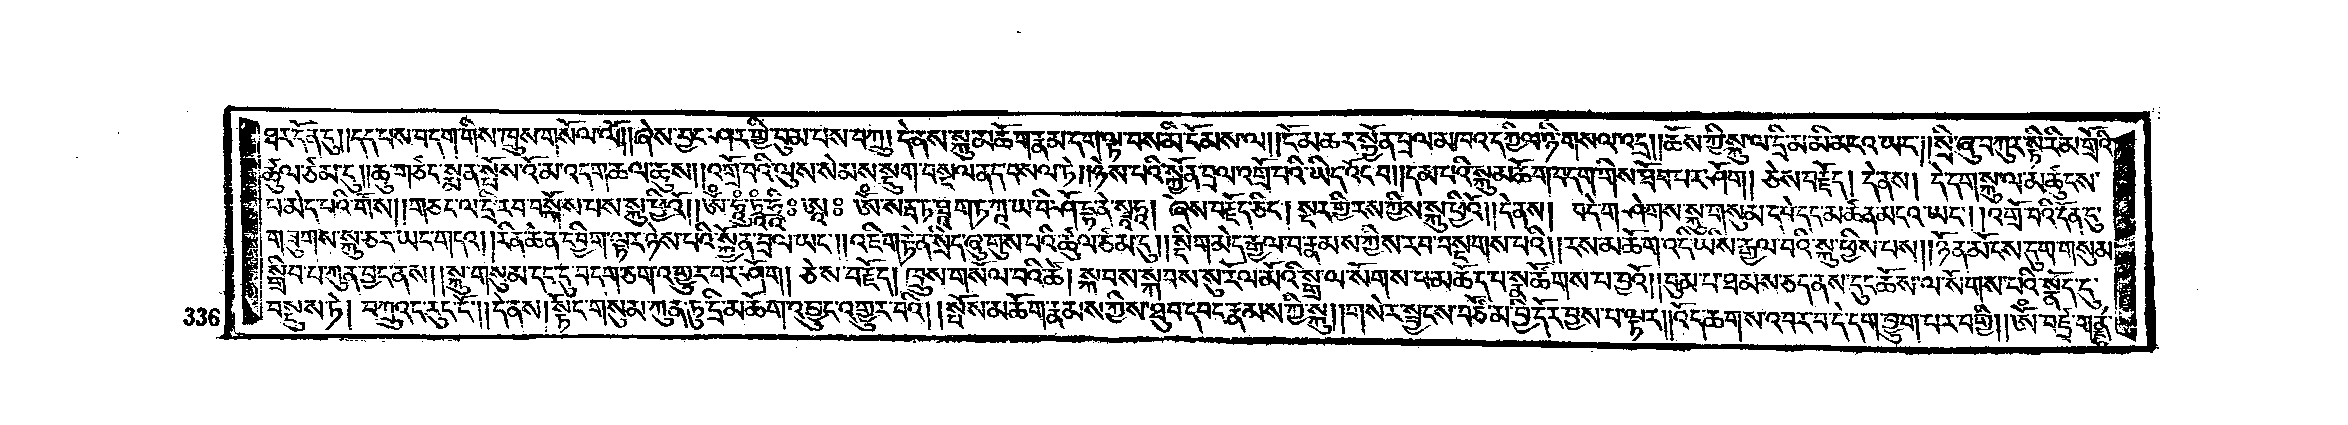ཐར་དོན་དུ། །དད་པས་བདག་གིས་ཁྲུས་གསོལ་ལོ། །ཞེས་བྱང་ཤར་གྱི་བུམ་པས་བཀྲུ། དེ་ནས་སྐུ་མཆོག་རྣམ་དག་ལྟ་བས་མི་ངོམས་ལ། །ངོ་མཚར་སྐྱོན་བྲལ་མཁའ་དཀྱིལ་ཉི་གསལ་འདྲ། །ཆོས་ཀྱི་སྐུ་ལ་དྲི་མ་མི་མངའ་ཡང་། །སྲི་ཞུ་བཀུར་སྟི་རིམ་མགྲོའི་
ཚུལ་ཙམ་དུ། །ཆུ་གཙང་སྨན་སྤོས་འོ་མ་འདག་ཆལ་ཆུས། །འགྲོ་བའི་ལུས་སེམས་སྡུག་བསྔལ་ནད་བསལ་ལྟེ། །ཉེས་པའི་སྐྱོན་བྲལ་འགྲོ་བའི་ཡིད་འོང་བ། །དམ་པའི་སྐུ་མཆོག་བདག་གིས་ཐོབ་པར་ཤོག །ཅེས་བརྗོད། དེ་ནས། དེ་དག་སྐུ་ལ་མཚུངས་
པ་མེད་པའི་གོས། །གཙང་ལ་དྲི་རབ་བསྒོས་པས་སྐུ་ཕྱིའོ། །ཨོཾ་ཧཱུཾ་ཏྲཱཾ་ཧྲཱིཿ ཨཱཿ ཨོཾ་སརྦ་ཏ་ཐཱ་ག་ཏ་ཀཱ་ཡ་བི་ཤོ་དྷ་ནེ་སྭཱ་ཧཱ། ཞེས་བརྗོད་ཅིང་། སྔར་གྱི་རས་ཀྱིས་སྐུ་ཕྱིའོ། །དེ་ནས། བདེ་གཤེགས་སྐུ་གསུམ་དཔེ་དང་མཚན་མངའ་ཡང་། །འགྲོ་བའི་དོན་དུ་
གཟུགས་སྐུ་ཅིར་ཡང་གདའ། །རིན་ཆེན་དབྱིག་ལྟར་ཉེས་པའི་སྐྱོན་བྲལ་ཡང་། །འཇིག་རྟེན་སྲིད་ཞུ་གུས་པའི་ཚུལ་ཙམ་དུ། །སྡིག་མེད་རྒྱལ་བ་རྣམས་ཀྱིས་རབ་བསྔགས་པའི། །རས་མཆོག་འདི་ཡིས་རྒྱལ་བའི་སྐུ་ཕྱིས་པས། །ཉོན་མོངས་དུག་གསུམ་
སྒྲིབ་པ་ཀུན་བྱང་ནས། །སྐུ་གསུམ་ངང་དུ་བདག་ཅག་འགྱུར་བར་ཤོག །ཅེས་བརྗོད། ཁྲུས་གསོལ་བའི་ཚེ། སྐབས་སྐབས་སུ་རོལ་མོའི་སྒྲ་ལ་སོགས་པ་མཆོད་པ་སྣ་ཚོགས་པ་བྱའོ། །བུམ་པ་ཐམས་ཅད་ནས་དུང་ཆོས་ལ་སོགས་པའི་སྣོད་དུ་
བསྡུས་ཏེ། བཀྲུའང་རུང་ངོ། །དེ་ནས། སྟོང་གསུམ་ཀུན་ཏུ་དྲི་མཆོག་འབྱུང་འགྱུར་བའི། །སྤོས་མཆོག་རྣམས་ཀྱིས་ཐུབ་དབང་རྣམས་ཀྱི་སྐུ། །གསེར་སྦྱངས་བཙོ་མ་བྱི་དོར་བྱས་པ་ལྟར། །འོད་ཆགས་འབར་བ་དེ་དག་བྱུག་པར་བགྱི། །ཨོཾ་བཛྲ་གནྡྷི་